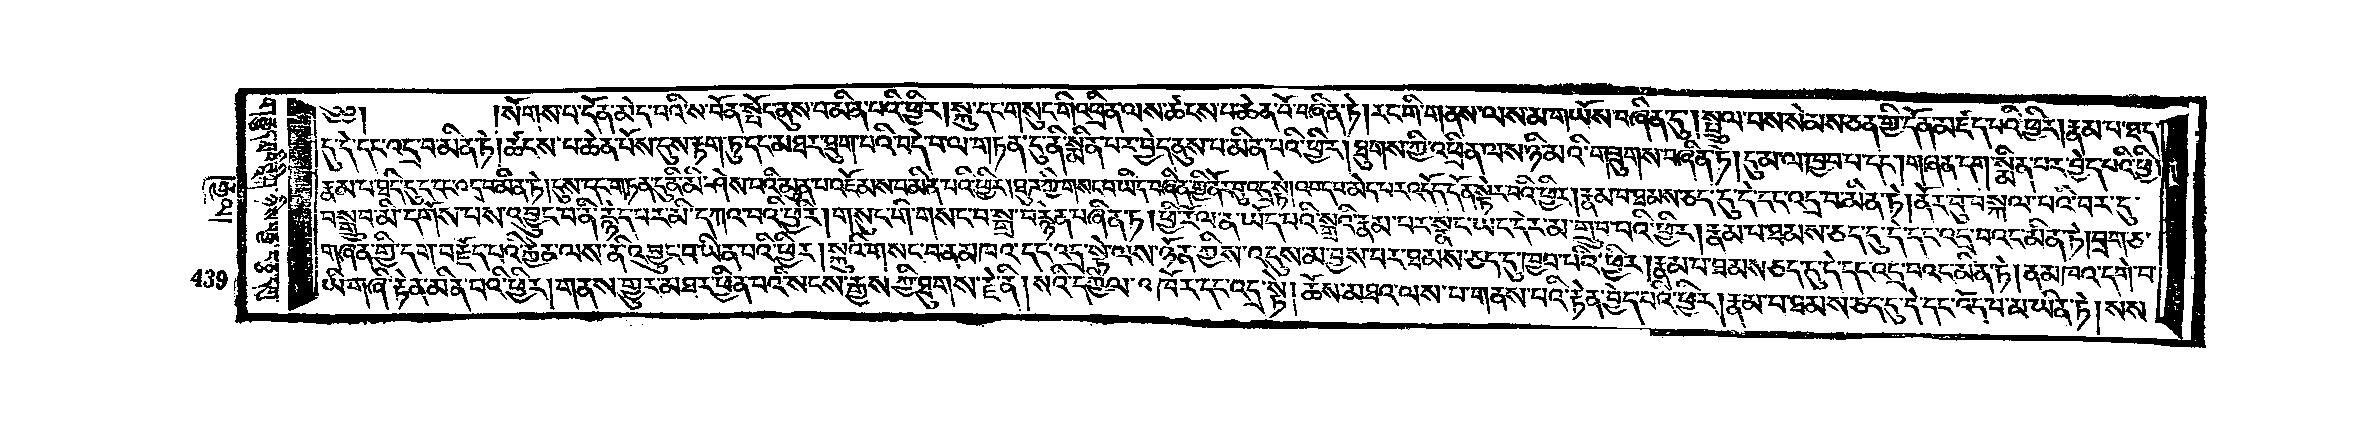༄༅། །སོགས་པ་དོན་མེད་པའི་ས་བོན་སྤོང་ནུས་པ་མིན་པའི་ཕྱིར། སྐུ་དང་གསུང་གི་འཕྲིན་ལས་ཚངས་པ་ཆེན་པོ་བཞིན་ཏེ། རང་གི་གནས་ལས་མ་གཡོས་བཞིན་དུ། སྤྲུལ་བས་སེམས་ཅན་གྱི་དོན་མཛད་པའི་ཕྱིར། རྣམ་པ་ཐད་
དུ་དེ་དང་འདྲ་བ་མིན་ཏེ། ཚངས་པ་ཆེན་པོས་དུས་རྟག་ཏུ་དང་མཐར་ཐུག་པའི་བདེ་བ་ལ་གཏན་དུ་ནི་སྨིན་པར་བྱེད་ནུས་པ་མིན་པའི་ཕྱིར། ཐུགས་ཀྱི་འཕྲིན་ལས་ཉི་མའི་གཟུགས་བཞིན་ཏེ། དུ་མ་ལ་ཁྱབ་པ་དང་། གཞན་དག་སྨིན་པར་བྱེད་པའི་ཕྱིར་
རྣམ་པ་ཐིད་དུད་དང་འདྲ་བ་མིན་ཏེ། དུས་དང་གཏན་དུ་ནི་མི་ཤེས་པའི་མུན་པ་འཇོམས་པ་མིན་པའི་ཕྱིར། ཐུགས་ཀྱི་གསང་བ་ཡིད་བཞིན་གྱི་ནོར་བུ་འདྲ་སྟེ། འབད་པ་མེད་པར་འདོད་དོན་སྟེར་བའི་ཕྱིར། རྣམ་པ་ཐམས་ཅད་དུ་དེ་དང་འདྲ་བ་མིན་ཏེ། ནོར་བུ་བསྐལ་བའི་བར་དུ་
བསྒྲུབ་མི་དགོས་པས་འབྱུང་བ་ནི་རྙེད་པར་མི་དཀའ་བའི་ཕྱིར། གསུང་གི་གསང་བ་སྒྲ་བརྙེན་བཞིན་ཏ། ཕྱི་རོལ་ན་ཡོད་པའི་སྒྲའི་རྣམ་པར་སྣང་ཡང་དེར་མ་གྲུབ་པའི་ཕྱིར། རྣམ་པ་ཐམས་ཅད་དུ་དེ་དང་འདྲ་བའང་མིན་ཏེ། བྲག་ཅ་
གཞན་གྱི་དག་བརྗོད་པའི་རྐྱེན་ལས་ནི་འབྱུང་བ་ཡིན་པའི་ཕྱིར། སྐུའི་གསང་བ་ནམ་མཁའ་དང་འདྲ་སྟེ་ལས་ཉོན་ཀྱིས་འདུས་མ་བྱས་པར་ཐམས་ཅད་དུ་ཁྱབ་པའི་ཕྱིར། རྣམ་པ་ཐམས་ཅད་དུ་དེ་དང་འདྲ་བའང་མིན་ཏེ། ནམ་མཁའ་དགེ་བ་
ཡི་གཞི་རྟེན་མིན་པའི་ཕྱིར། གནས་གྱུར་མཐར་ཕྱིན་པའི་སངས་རྒྱས་ཀྱི་ཐུགས་རྗེ་ནི། སའི་དཀྱིལ་འཁོར་དང་འདྲ་སྟེ། ཆོས་མཐའ་ལས་པ་གནས་པའི་རྟེན་བྱེད་པའི་ཕྱིར། རྣམ་པ་ཐམས་ཅད་དུ་དེ་དང་འོད་པ་མ་ཡིན་ཏེ། སས་